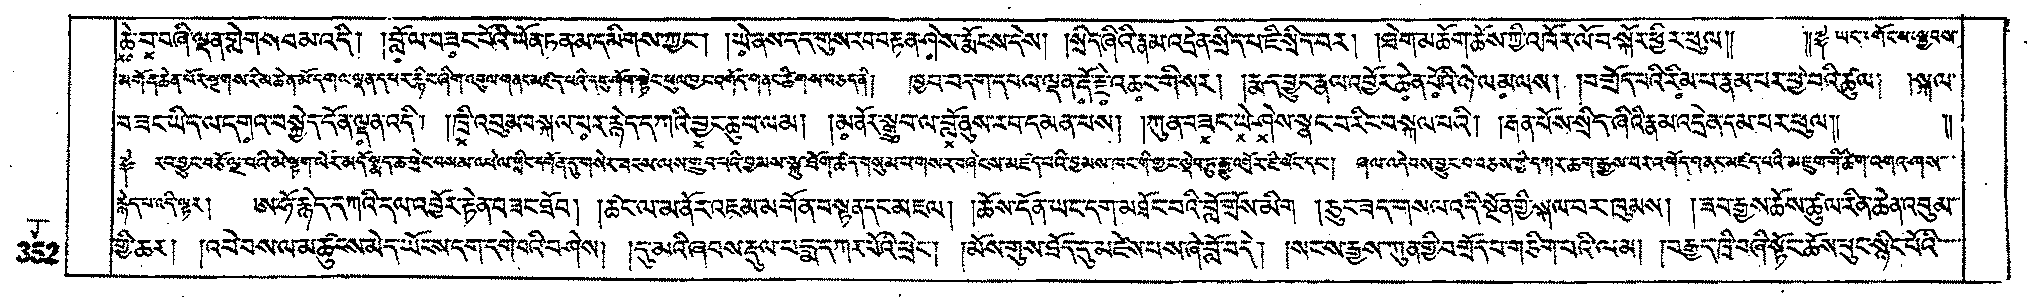ཆེ྾྾་བ྾་བཞི་ལྡན་གླེགས་བམ་འདི། །བློ྾་ལ་བཟང྾་པོའི་ཡོན་ཏན་མ་དམིགས་ཀྱང་། །ཡེ྾་ནས་དད་གུས་རབ་བརྟན་ཤེས྾་རྨོངས་དེས། །སྲིད་ཞིའི་རྣམ་འདྲེན་སྲིད་པ་ཇི་སྲིད་བར། །ཐེག་མཆོག་ཆོས་ཀྱི་འཁོར་ལོ་བསྐོར་ཕྱིར་ཕུལ།། །།འ་ཡང ༧གོང་ས ༧སྐྱབས་
མགོན་ཆེན་པོར་སྔགས་རིམ་ཆེན་མོ་དགའ་ལྡན་དཔར་རྙིང་ཞིག་འབུལ་གནང་མཛད་པའི་དབུ་ཤོག་སྟེང་ཕུལ་བྱང་འགོད་གནང་ཚིགས་བཅད་ནི། ཁྱབ་བདག་དཔལ་ལྡན་རྡོ྾་རྗེ྾་འཆང྾་གི་སར། །རྨད་བྱུང་རྣལ་འབྱོར་ཆེན྾་པོའི྾་ཉེ་ལམ྾་ལས། །བགྲོད་པའི་རིམ྾་པ་རྣམ་པར་ཕྱེ་བའི་ཚུལ། །སྐལ་
བཟང་ཡིད་ལ་དགའ྾་བསྐྱེད་དོན་ལྡན྾་འདི། །ཁྲི྾་འབུམ་བསྐལ་པར྾་རྙེད་དཀའི་བྱང྾་ཆུབ་ལམ། །མ྾་ནོར་སྒྲུབ་ལ་བློ་ནུས་རབ་དམན་པས། །ཀུན་བཟང྾་ཡེ྾་ཤེས྾་སྣང་བ་རིང་བསྐལ་པའི། །རྒན་པོས་སྲིད་ཞིའི་རྣམ་འདྲེན་དམ་པར་ཕུལ།། །།
འ་རབ་བྱུང་བཅོ་ལྔ་པའི་མེ་སྟག་ལོར་མདོ་སྨད་ཆ་ཕྲེང་བསམ་འཕེལ་གླིང་དགོན་དུ་གསེར་ཟངས་ལས་གྲུབ་པའི་བྱམས་སྐུ་ཐོག་ཚད་གསུམ་པ་གསར་བཞེངས་མཛད་པའི་བྱམས་ཁང་གི་གྱང་ལྡེབ་ཏུ་རྒྱུ་འགྲོར་ཇི་སོང་དང་། ཞལ་འདེབས་བྱུང་བ་བཅས་ཀྱི་དཀར་ཆག་རྒྱས་པར་འགོད་གནང་མཛད་པའི་མཇུག་གི་ཚིག་འགའ་ཤས་་་
རྙེད་པ་འདི་ལྟར། ཨ་ཧོ་རྙེད་དཀའི་དལ་འབྱོར་རྟེན་བཟང་ཐོབ། །ཚང་ལ་མ་ནོར་འཇམ་མགོན་བསྟན་དང་འཇལ། །ཆོས་དོན་ཡང་དག་མཐོང་བའི་བློ་གྲོས་མིག །ཅུང་ཟད་གསལ་འདི་སྔོན་གྱི་སྐལ་བར་ཁུམས། །ཟབ་རྒྱས་ཆོས་ཚུལ་རིན་ཆེན་འབུམ་་་
གྱི་ཆར། །འབེབས་ལ་མཚུངས་མེད་ཡོངས་དག་དགེ་བའི་བཤེས། །དུ་མའི་ཞབས་རྡུལ་པདམ་དཀར་པོའི་ཕྲེང་། །མོས་གུས་ཐོད་དུ་མཛེས་པས་ཞེ་བློ་བདེ། །སངས་རྒྱས་ཀུན་གྱི་བགྲོད་པ་གཅིག་པའི་ལམ། །བརྒྱད་ཁྲི་བཞི་སྟོང་ཆོས་ཕུང་སྙིང་པོའི་་་